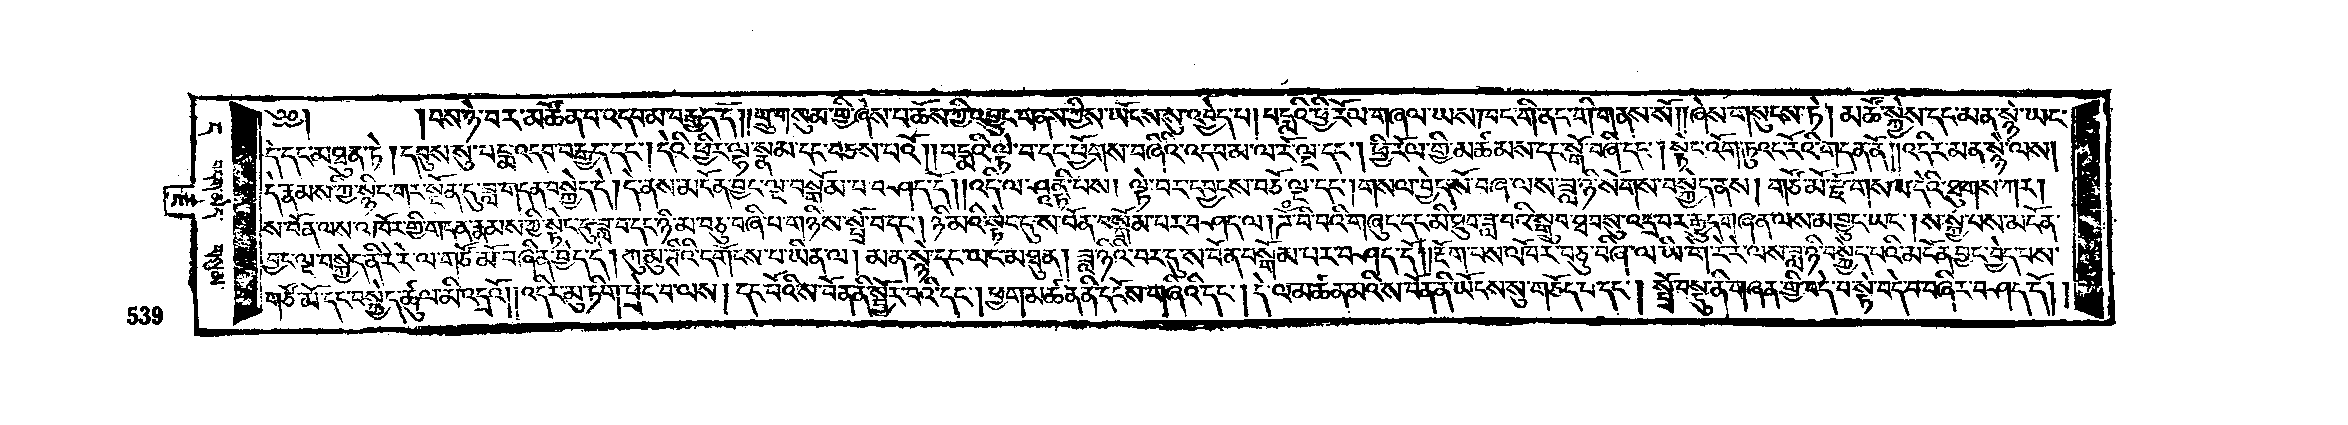༄༅། །བས་ཉེ་བར་མཚོན་པ་འདབ་མ་བརྒྱད་དོ། །གྲུ་གསུམ་གྱི་ཞེས་པ་ཆོས་ཀྱི་འབྱུང་གནས་ཀྱིས་ཡོངས་སུ་འབྱེད་པ། པདམའི་ཕྱི་རོལ་གཞལ་ཡས་ཁང་གི་ནང་གི་གནས་སོ། །ཞེས་གསུངས་ཏེ། མཚོ་སྐྱེས་དང་མན་སྙེ་ཡང་
དེ་དང་མཐུན་ཏེ། དབུས་སུ་པདམ་འདབ་བརྒྱད་དང་། དེའི་ཕྱིར་ལྷ་སྣམ་དང་བཅས་པའོ། །པདམའི་ལྟེ་བ་དང་ཕྱོགས་བཞིའི་འདབ་མ་ལ་རོ་ལྔ་དང་། ཕྱི་རོལ་གྱི་མཚམས་དང་སྒོ་བཞི་དང་། སྟེང་འོག་ཏུའང་རོའི་གདན་ནོ། །འདིར་མན་སྙེ་ལས།
དེ་རྣམས་ཀྱི་སྙིང་གར་སྔོན་དུ་ཟླ་གདན་བསྐྱེད་དེ། དེ་ནས་མངོན་བྱང་ལྔ་བསྒོམ་པ་བཤད་དོ། །འདི་ལ་ཤཱནྟི་པས། ལྟེ་བར་དབྱངས་བཅོ་ལྔ་དང་། གསལ་བྱེད་སོ་བཞི་ལས་ཟླ་ཉི་སོགས་བསྐྱེད་ནས། གཙོ་མོ་རྫོགས་པ་དེའི་ཐུགས་ཀར།
ས་བོན་ལས་འཁོར་གྱི་གདན་རྣམས་ཀྱི་སྟེང་དུ་ཟླ་བ་དང་ཉི་མ་བཅུ་བཞི་པ་གཉིས་སྤྲོ་བ་དང་། ཉི་མའི་སྟེང་དུ་ས་བོན་བསྒོམ་པར་བཤད་ལ། ཌོཾ་བི་བའི་གཞུང་དང་མི་ཐུབ་ཟླ་བའི་སྒྲུབ་ཐབས་སུ་འདྲ་བར་རྒྱུད་གཞན་ལས་མ་བྱུང་ཡང་། ས་སྐྱེ་བས་མངོན་
བྱང་ལྔ་བསྐྱེད་ནི་རེ་རེ་ལ་གཙོ་མོ་བཞིན་བྱེད་དེ། ཀུ་མུ་ཊིའི་དགོངས་པ་ཡིན་ལ། མན་སྙེ་དང་ཡང་མཐུན། ཟླ་ཉིའི་བར་དུ་ས་བོན་བསྒོམ་པར་བཤད་དོ། །རྔོག་པས་འཁོར་བཅུ་བཞི་ལ་ཡི་གེ་རེ་རེ་ལས་ཟླ་ཉི་བསྐྱེད་པའི་མངོན་བྱང་བྱེད་པས་
གཙོ་མོ་དང་བསྐྱེད་ཚུལ་མི་འདྲའོ། །འདིར་མུ་ཏིག་ཕྲེང་བ་ལས། དང་པོའི་ས་བོན་ནི་སྦྱོར་བའི་དང་། ཕྱག་མཚན་ནི་དངོས་གཞིའི་དང་། དེ་ལ་མཚན་མའི་ས་བོན་ནི་ཡོངས་སུ་གཅོད་པ་དང་། སྤྲོ་བསྡུ་ནི་གཞན་གྱི་བདེ་བ་སྟེ་བདེ་བ་བཞིར་བཤད་དོ། །